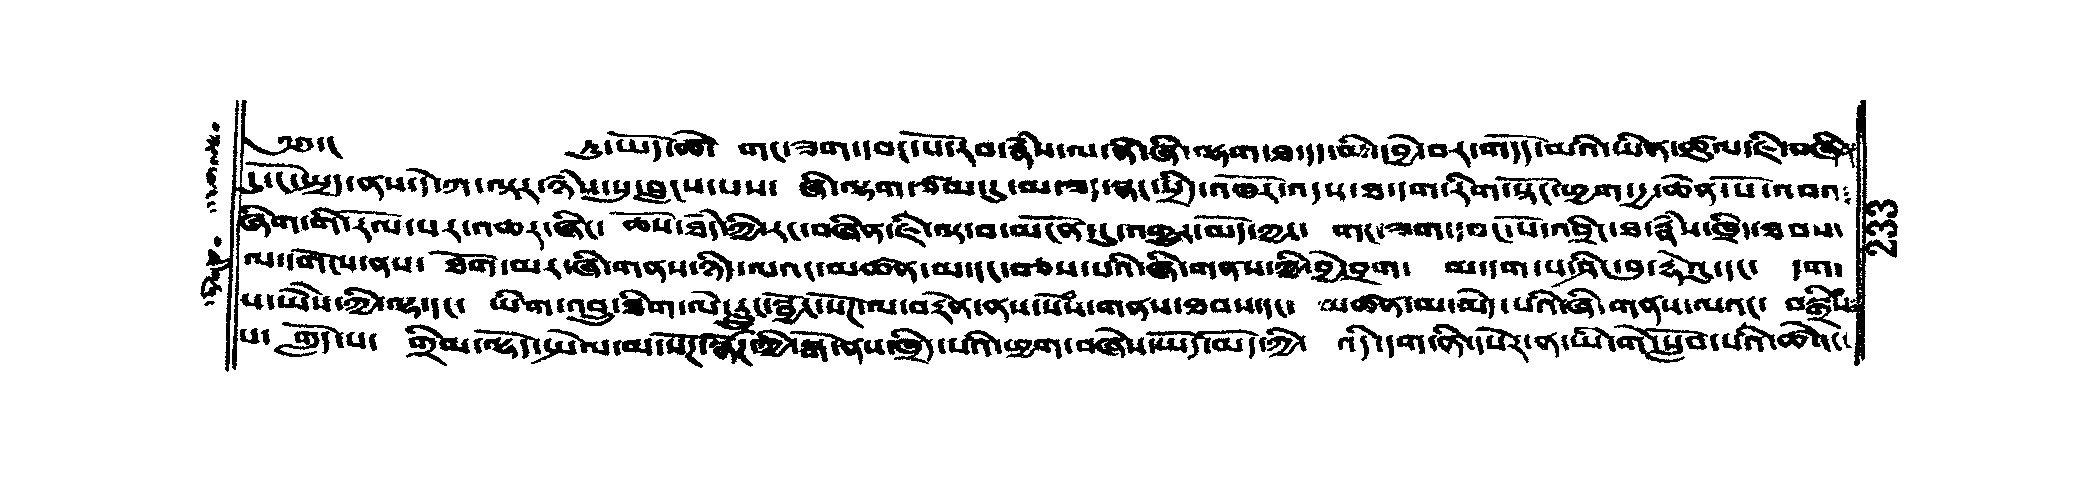ཏུ་ཡོད་ཚེ། གང་ཟག་དབང་པོ་རབ་རྣམས་ལ་ནི་ཞི་ལྷག་ཐ་དད་མི་དབྱེ་བར་གདོད་མའི་ཡིན་ཚུལ་ཇི་བཞིན་
དུ་ངོ་སྤྲད་ནས་དེ་ཀ་ལྟར་ཉམས་སུ་བླངས་པས།ཞི་ལྷག་ཙམ་དུ་མ་ཟད་སྣང་སྲིད་འཁོར་འདས་མཐའ་དག་རིག་སྟོང་ཕྱག་རྒྱ་ཆེན་པོ་འབའ་
ཞིག་གི་རོལ་པར་འཆར་ཞིང་། ཆོས་ཐམས་ཅད་ཀྱི་རང་བཞིན་ཇི་ལྟ་བ་མངོན་དུ་འགྱུར་མོད་ཀྱང་། གང་ཟག་དབང་པོ་འབྲིང་ཐ་རྣམས་ཁྲིད་ཐབས་
ལ་དགོངས་ནས། ཐོག་མར་ཞི་གནས་ཉིད་ལའང་མཚན་མ་དང་བཅས་པའི་ཞི་གནས་ཀྱི་བྲེ་བྲག་མ་དག་པའི་ཤིང་བུ་རྡེའུ་དང་། །དག་
པ་ཡེ་ཤེས་ཀྱི་ལྷ་དང་། །ཡིག་འབྲུ་ཐིག་ལེ་རླུང་སྦྱོང་སོགས་ལ་བརྟེན་ནས་སེམས་གནས་ཐབས་དང་། མཚན་མ་མེད་པའི་ཞི་གནས་ལའང་། བསྒྲིམས་
པ། གློད་པ། གྲིམ་ལྷོད་སྤེལ་མ་སོགས་སྣ་ཚོགས་ཀྱི་སྒོ་ནས་ཁྲིད་པའི་ཕྱག་བཞེས་ཡོད་མོད་ཀྱི། འདི་དག་ནི་དཔེར་ན་ཡི་གེ་སློབ་པའི་ཚེ་དང་